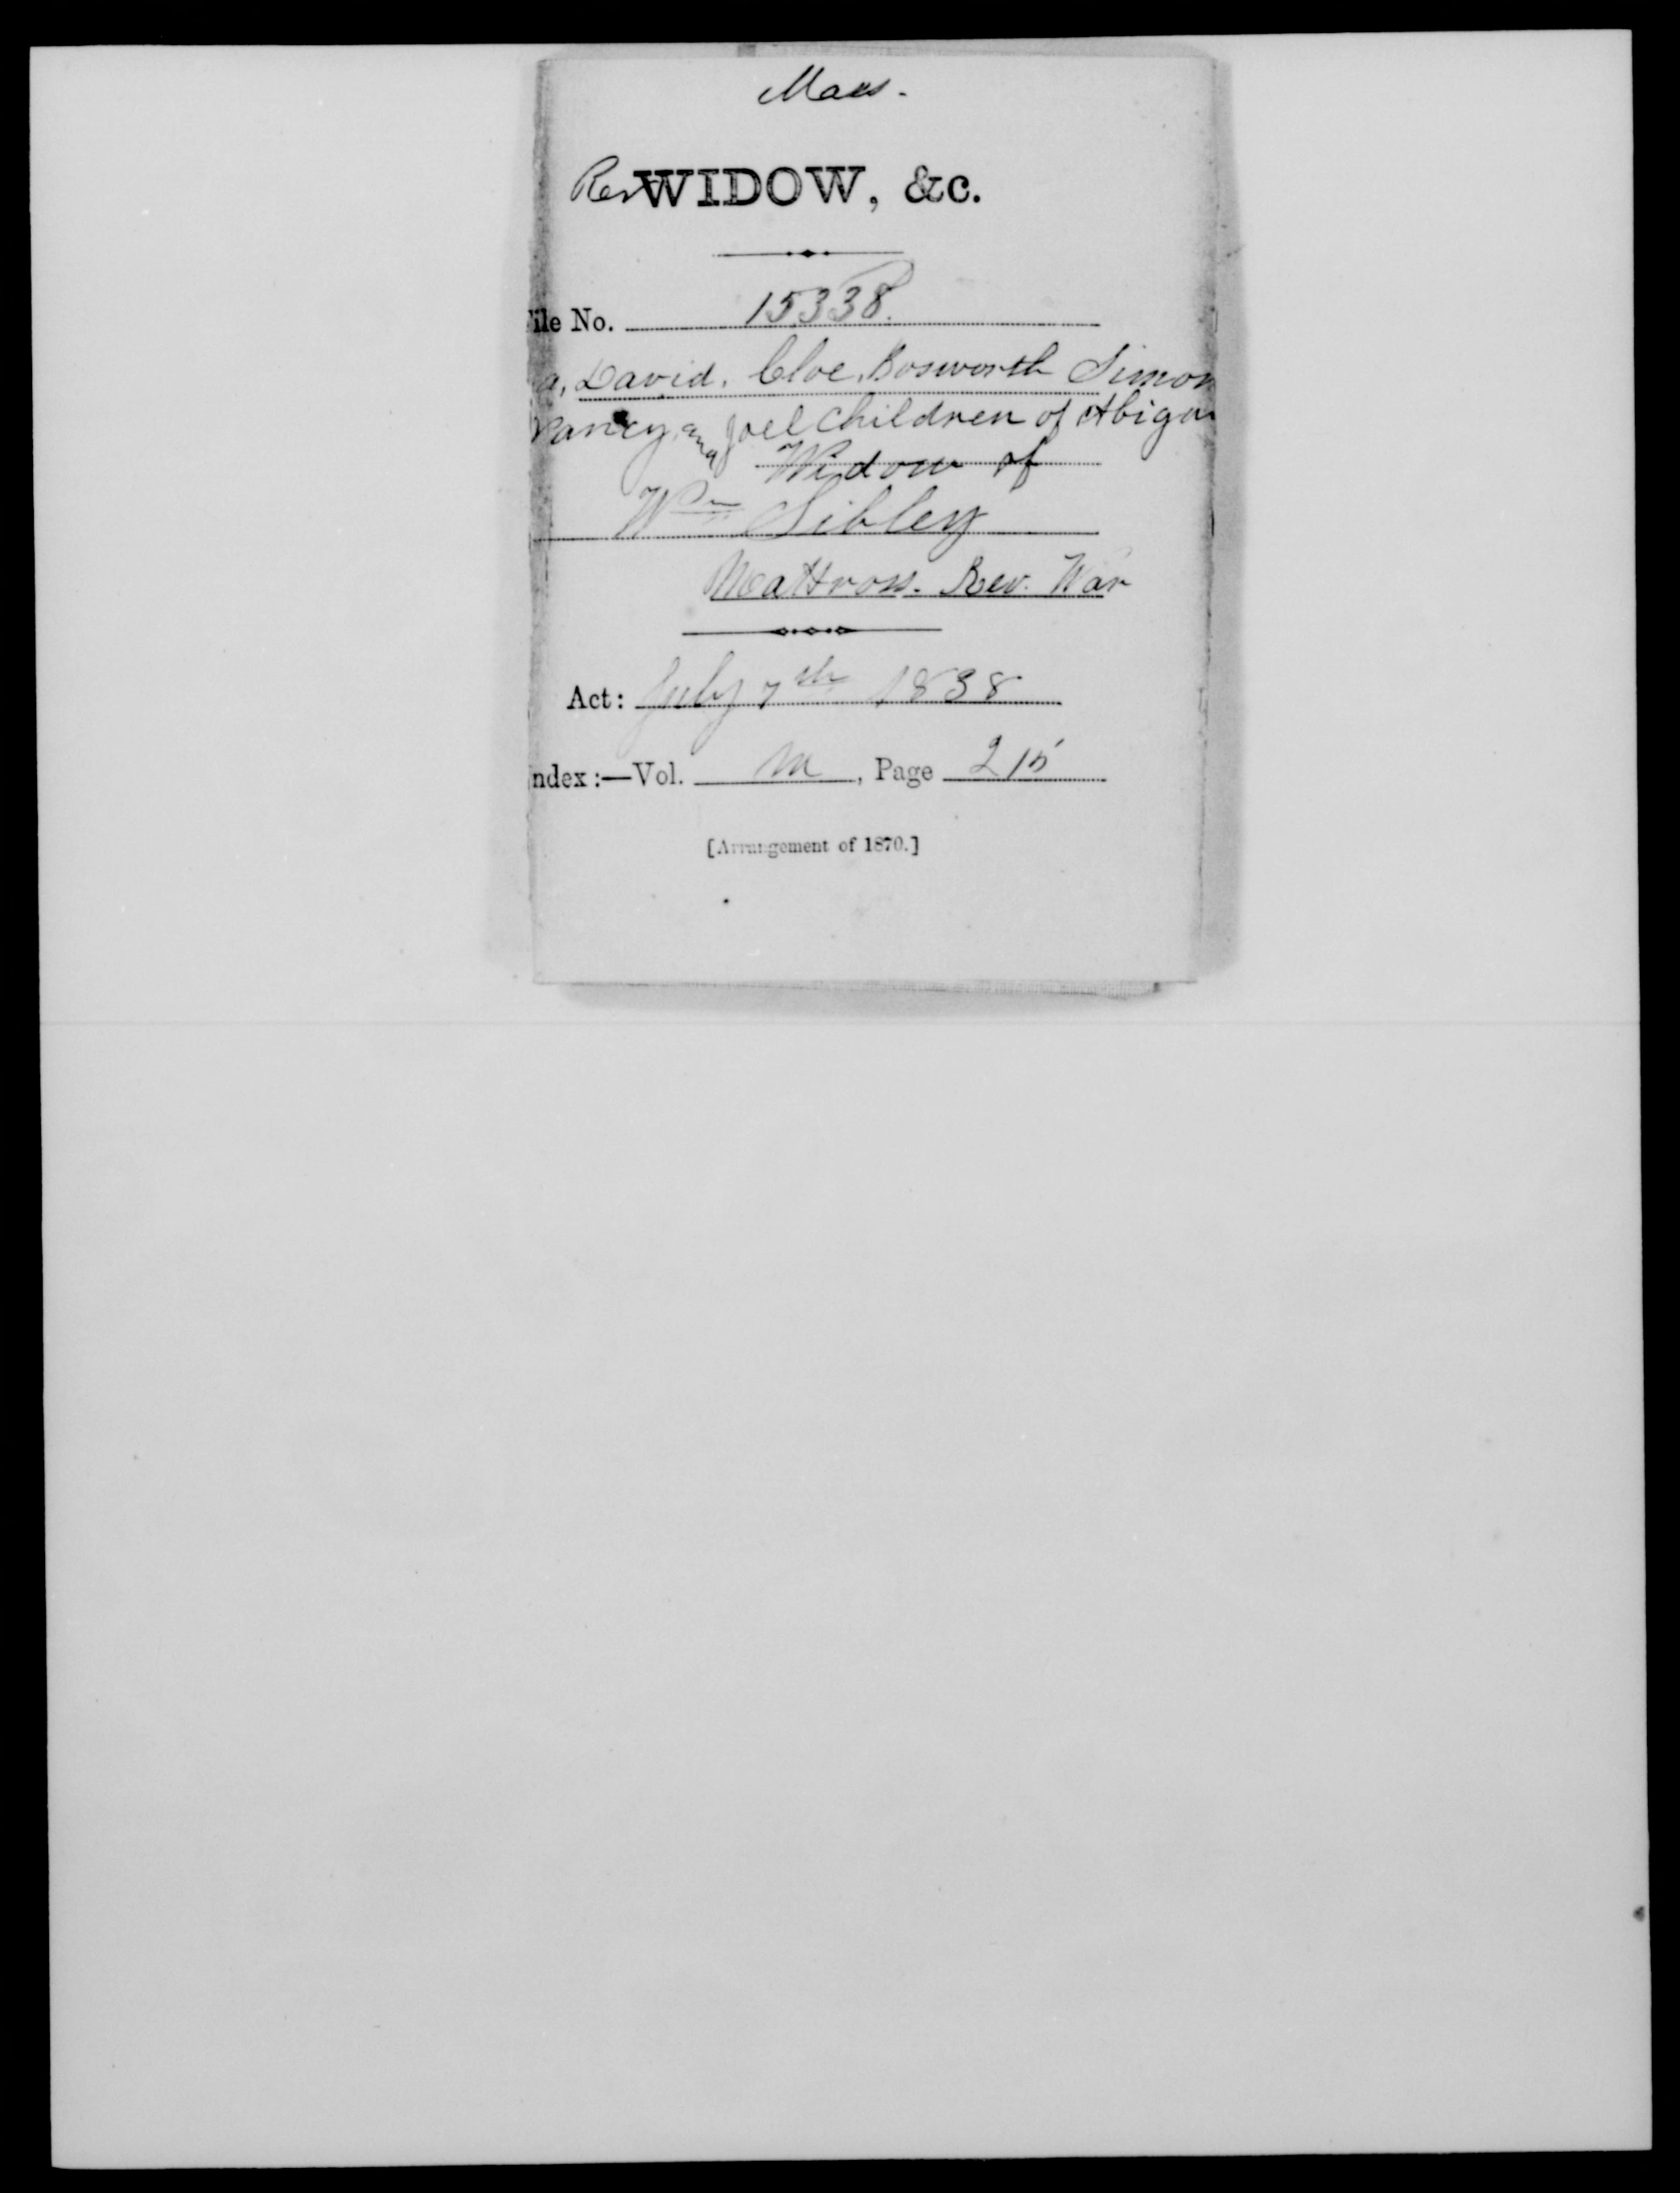Mass
Rev Widow, &C.
File No. 15338

a, David, Cloe, Bosworth Simon Nancy and Joel children of Abigail Widow of Wm Sibley
Mattross. Rev War
Act: July 7th 1838
Index: - Vol M, Page 215
[Arrangement of 1870]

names: Abiga Sibley; Wm Sibley; David Bosworth; Simon [BLANK]; Joel [BLANK]; [ILLEGIBLE] Bosworth; Nancy [BLANK]; Cloe Bosworth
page: 17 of 24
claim: widow's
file: W. 15,338, for William Sibley, Massachusetts